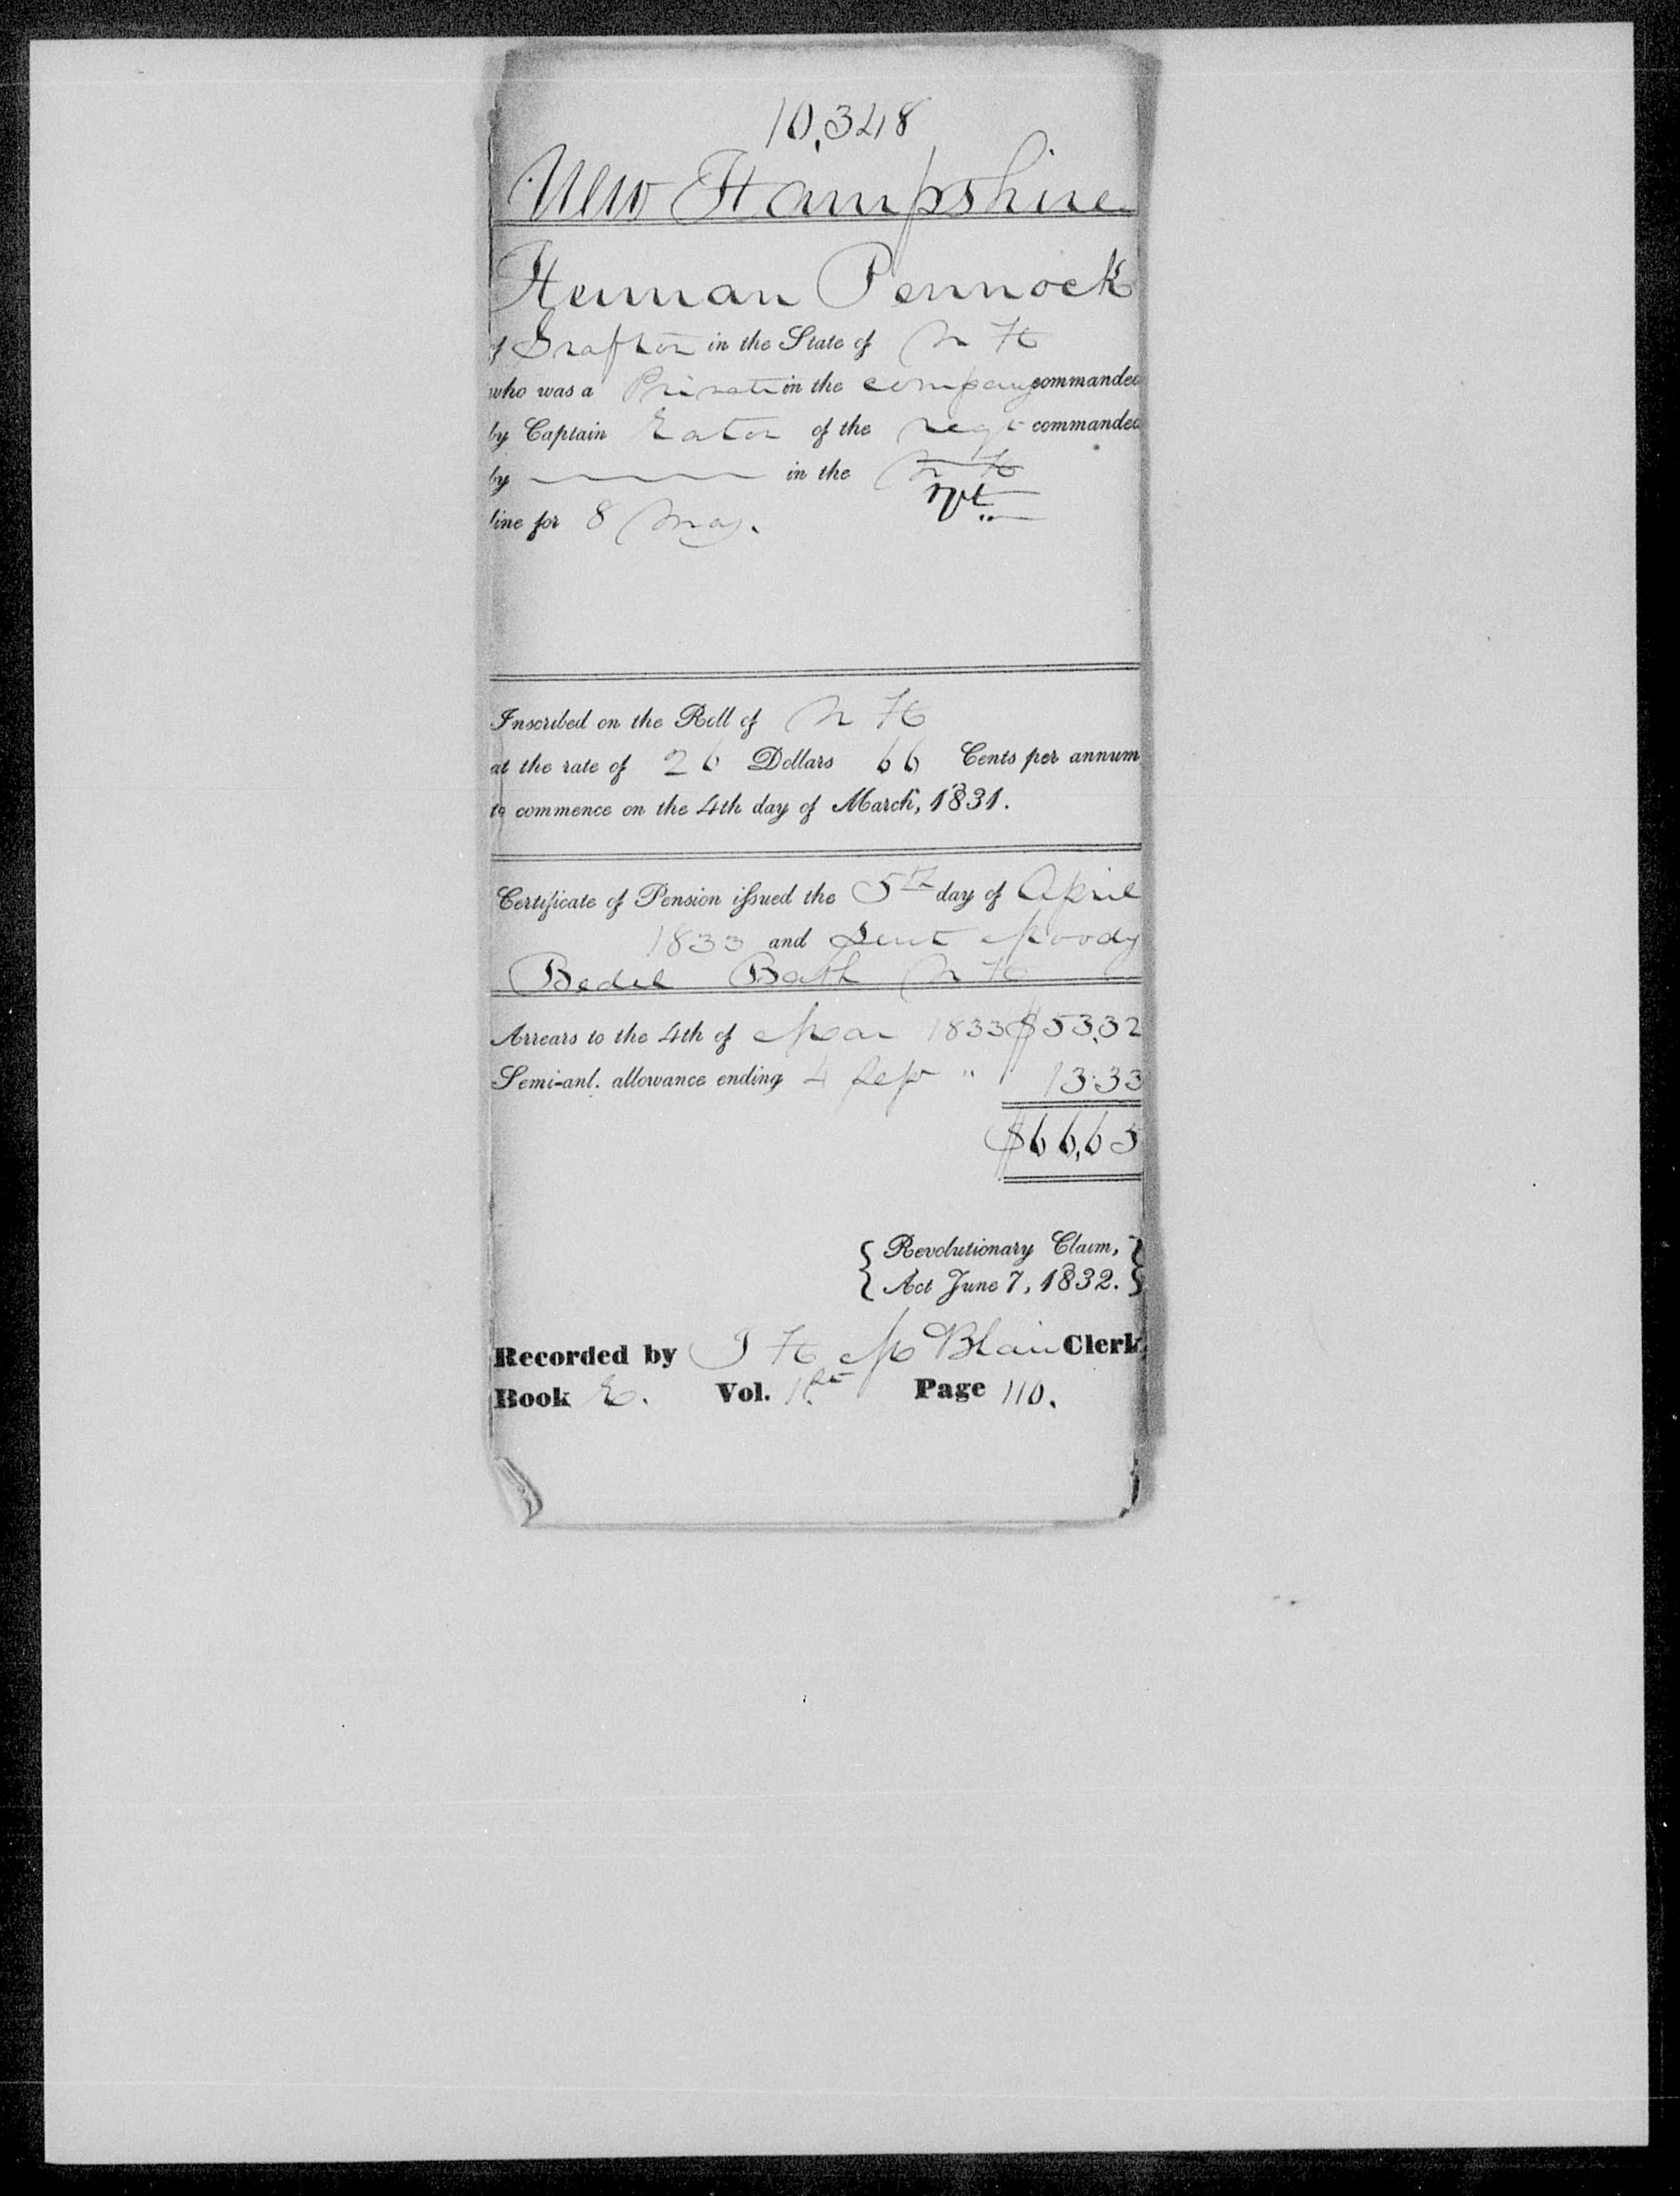10,348
New Hampshire

Herman Pennock
of Grafton in the State of N H
who was a Private in the company commanded 
by Captain Rator of the Regt commander 
by - in the Vt.
line for 8 May.

Inscribed on the Roll of N H
at the rate of 26 Dollars 66 Cents per annum
to commence on the 4th day of March, 1834

Certificate of Pension issued the 5th day of April
1833 and semt [illegible]
Bedel Book N H

Arrears to the 4th of [illegible] 1833 $53.32
Semi-anl. allowance ending 4 Sep " 13.33
$66.65

{Revolutionary Claim,
Act June 7, 1832.}

Recorded by J Ft P Blain Clerk
Book R. Vol 1.st Page 110.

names: Herman Pennock; [BLANK] Rator; J H Mc Blair; Moody Bedel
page: 2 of 12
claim: survivor's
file: S. 18,158, for Haman Pennock, Vermont